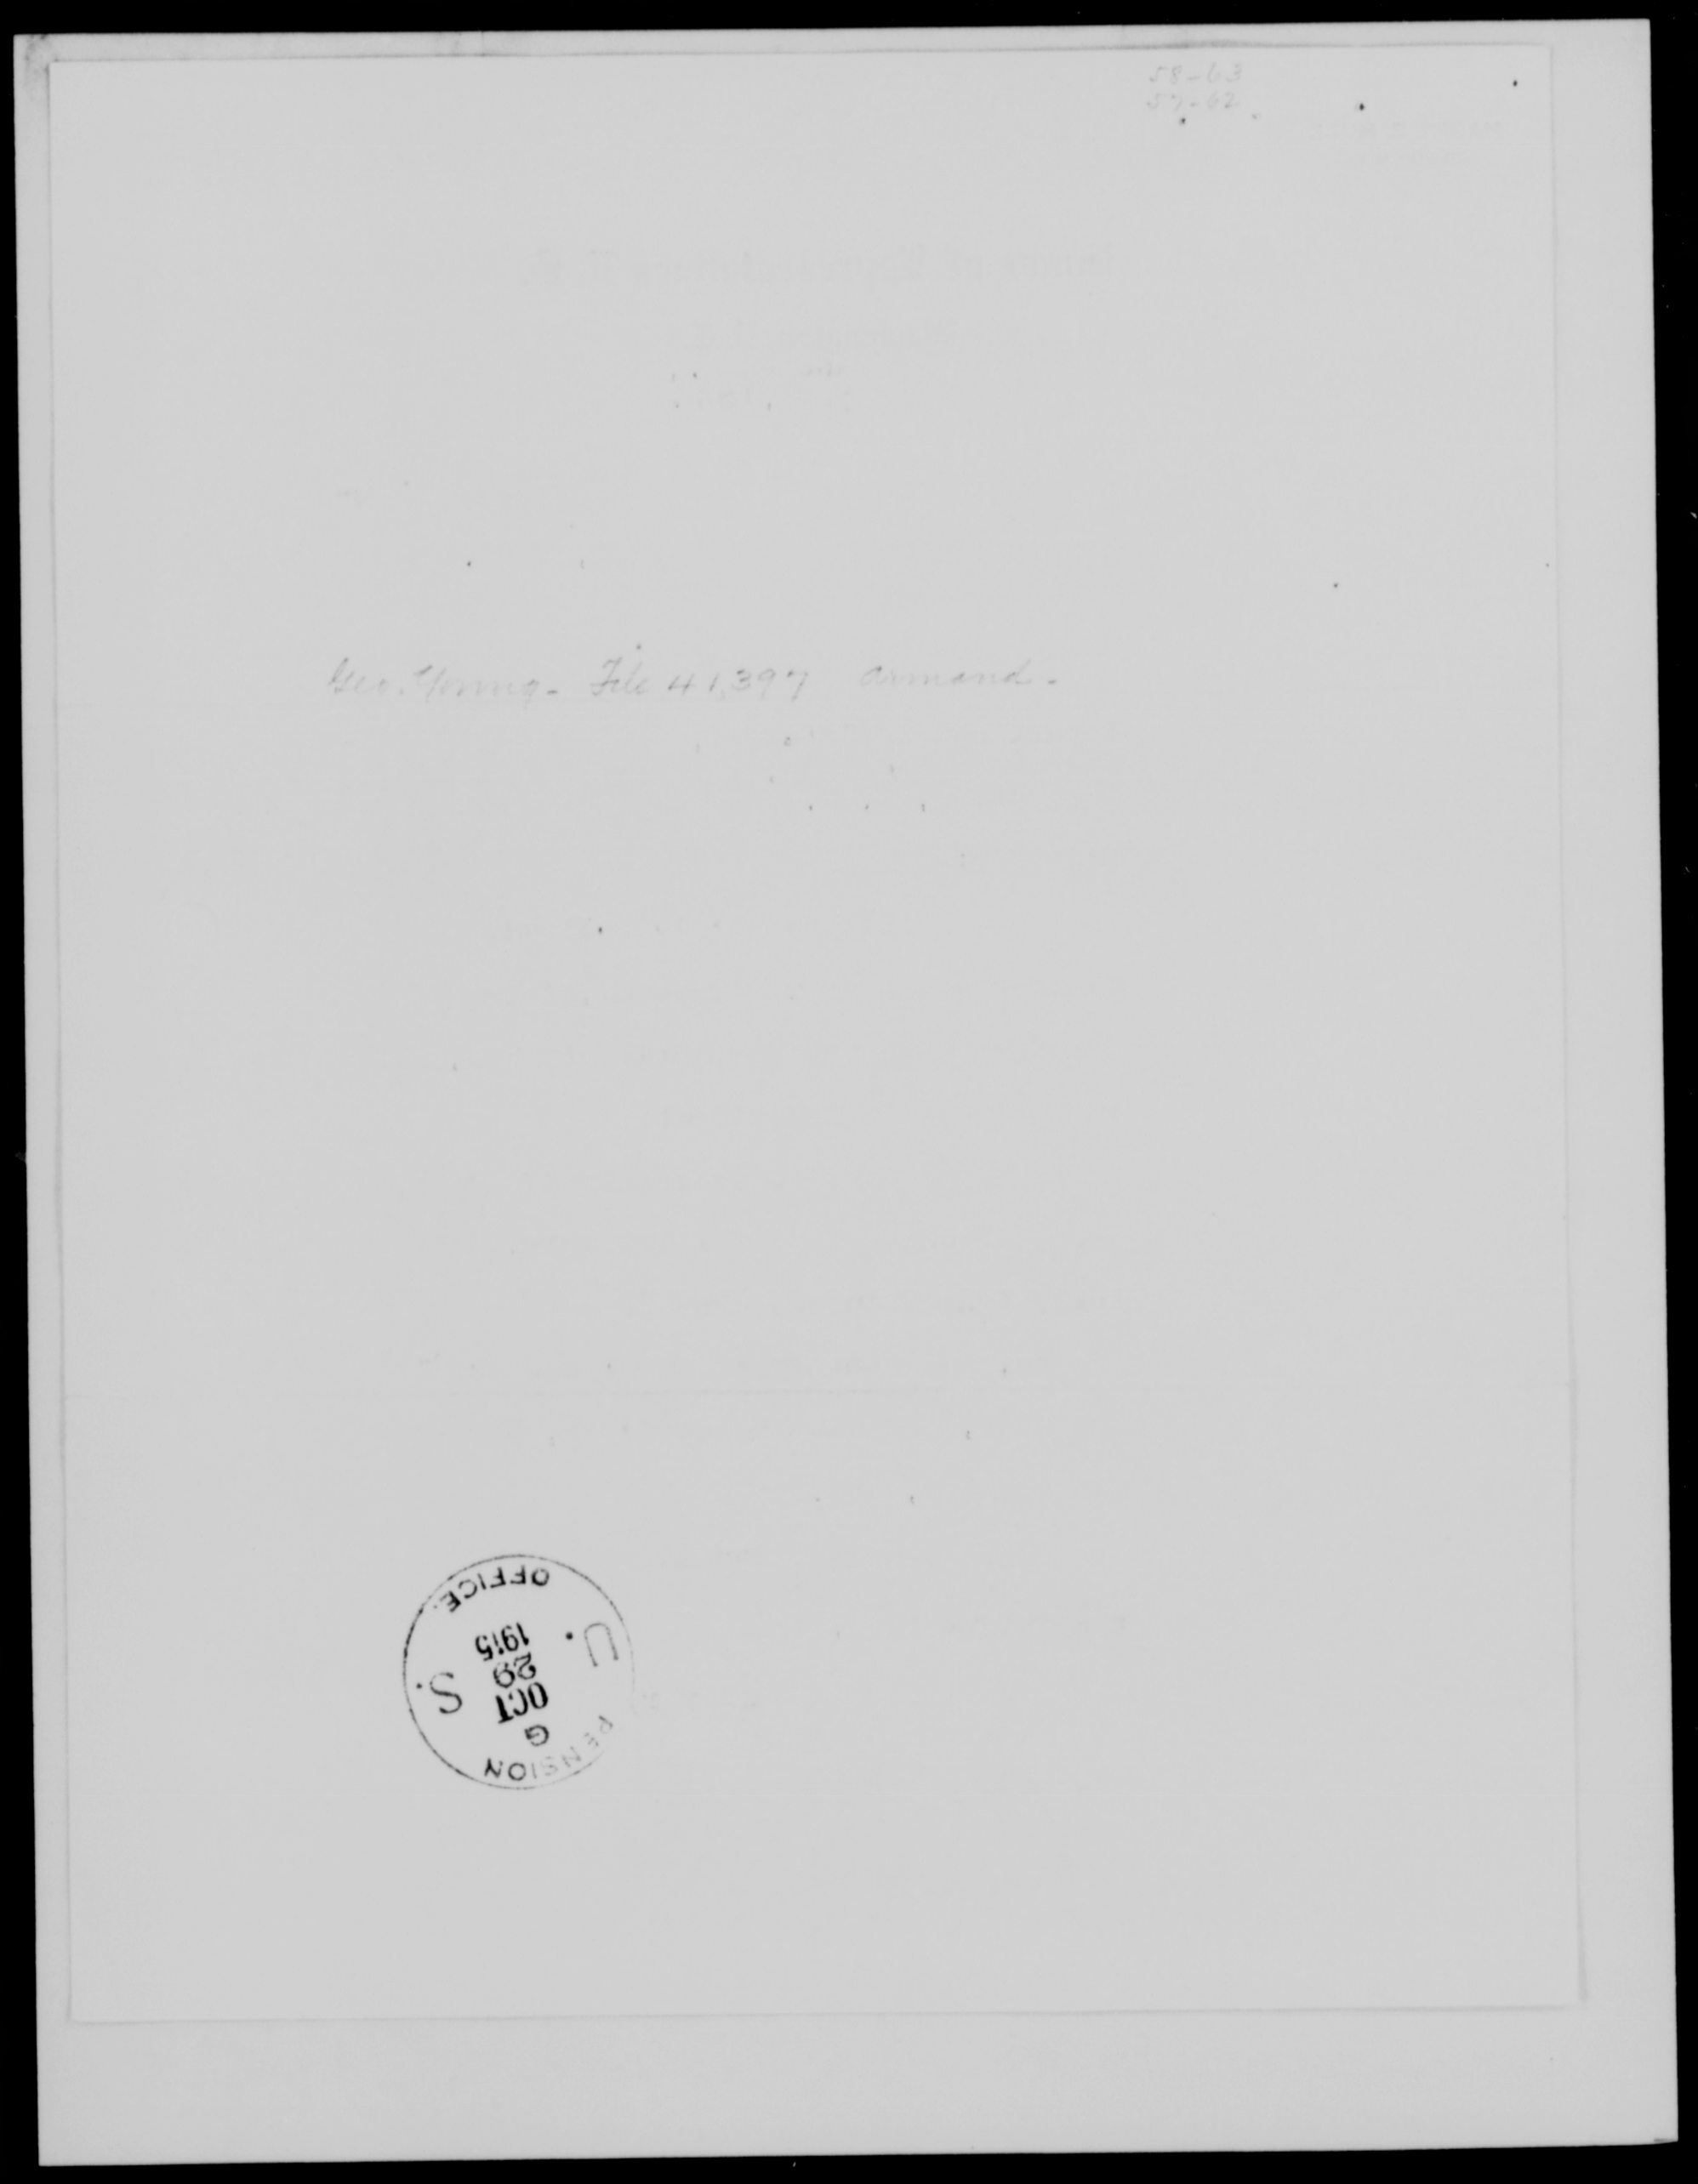Geo. Young. File 41397 Armand

U.S. PENSION OFFICE
g
OCT 29 1915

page: 38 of 67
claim: widow's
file: W. 7379, George Young, New Jersey